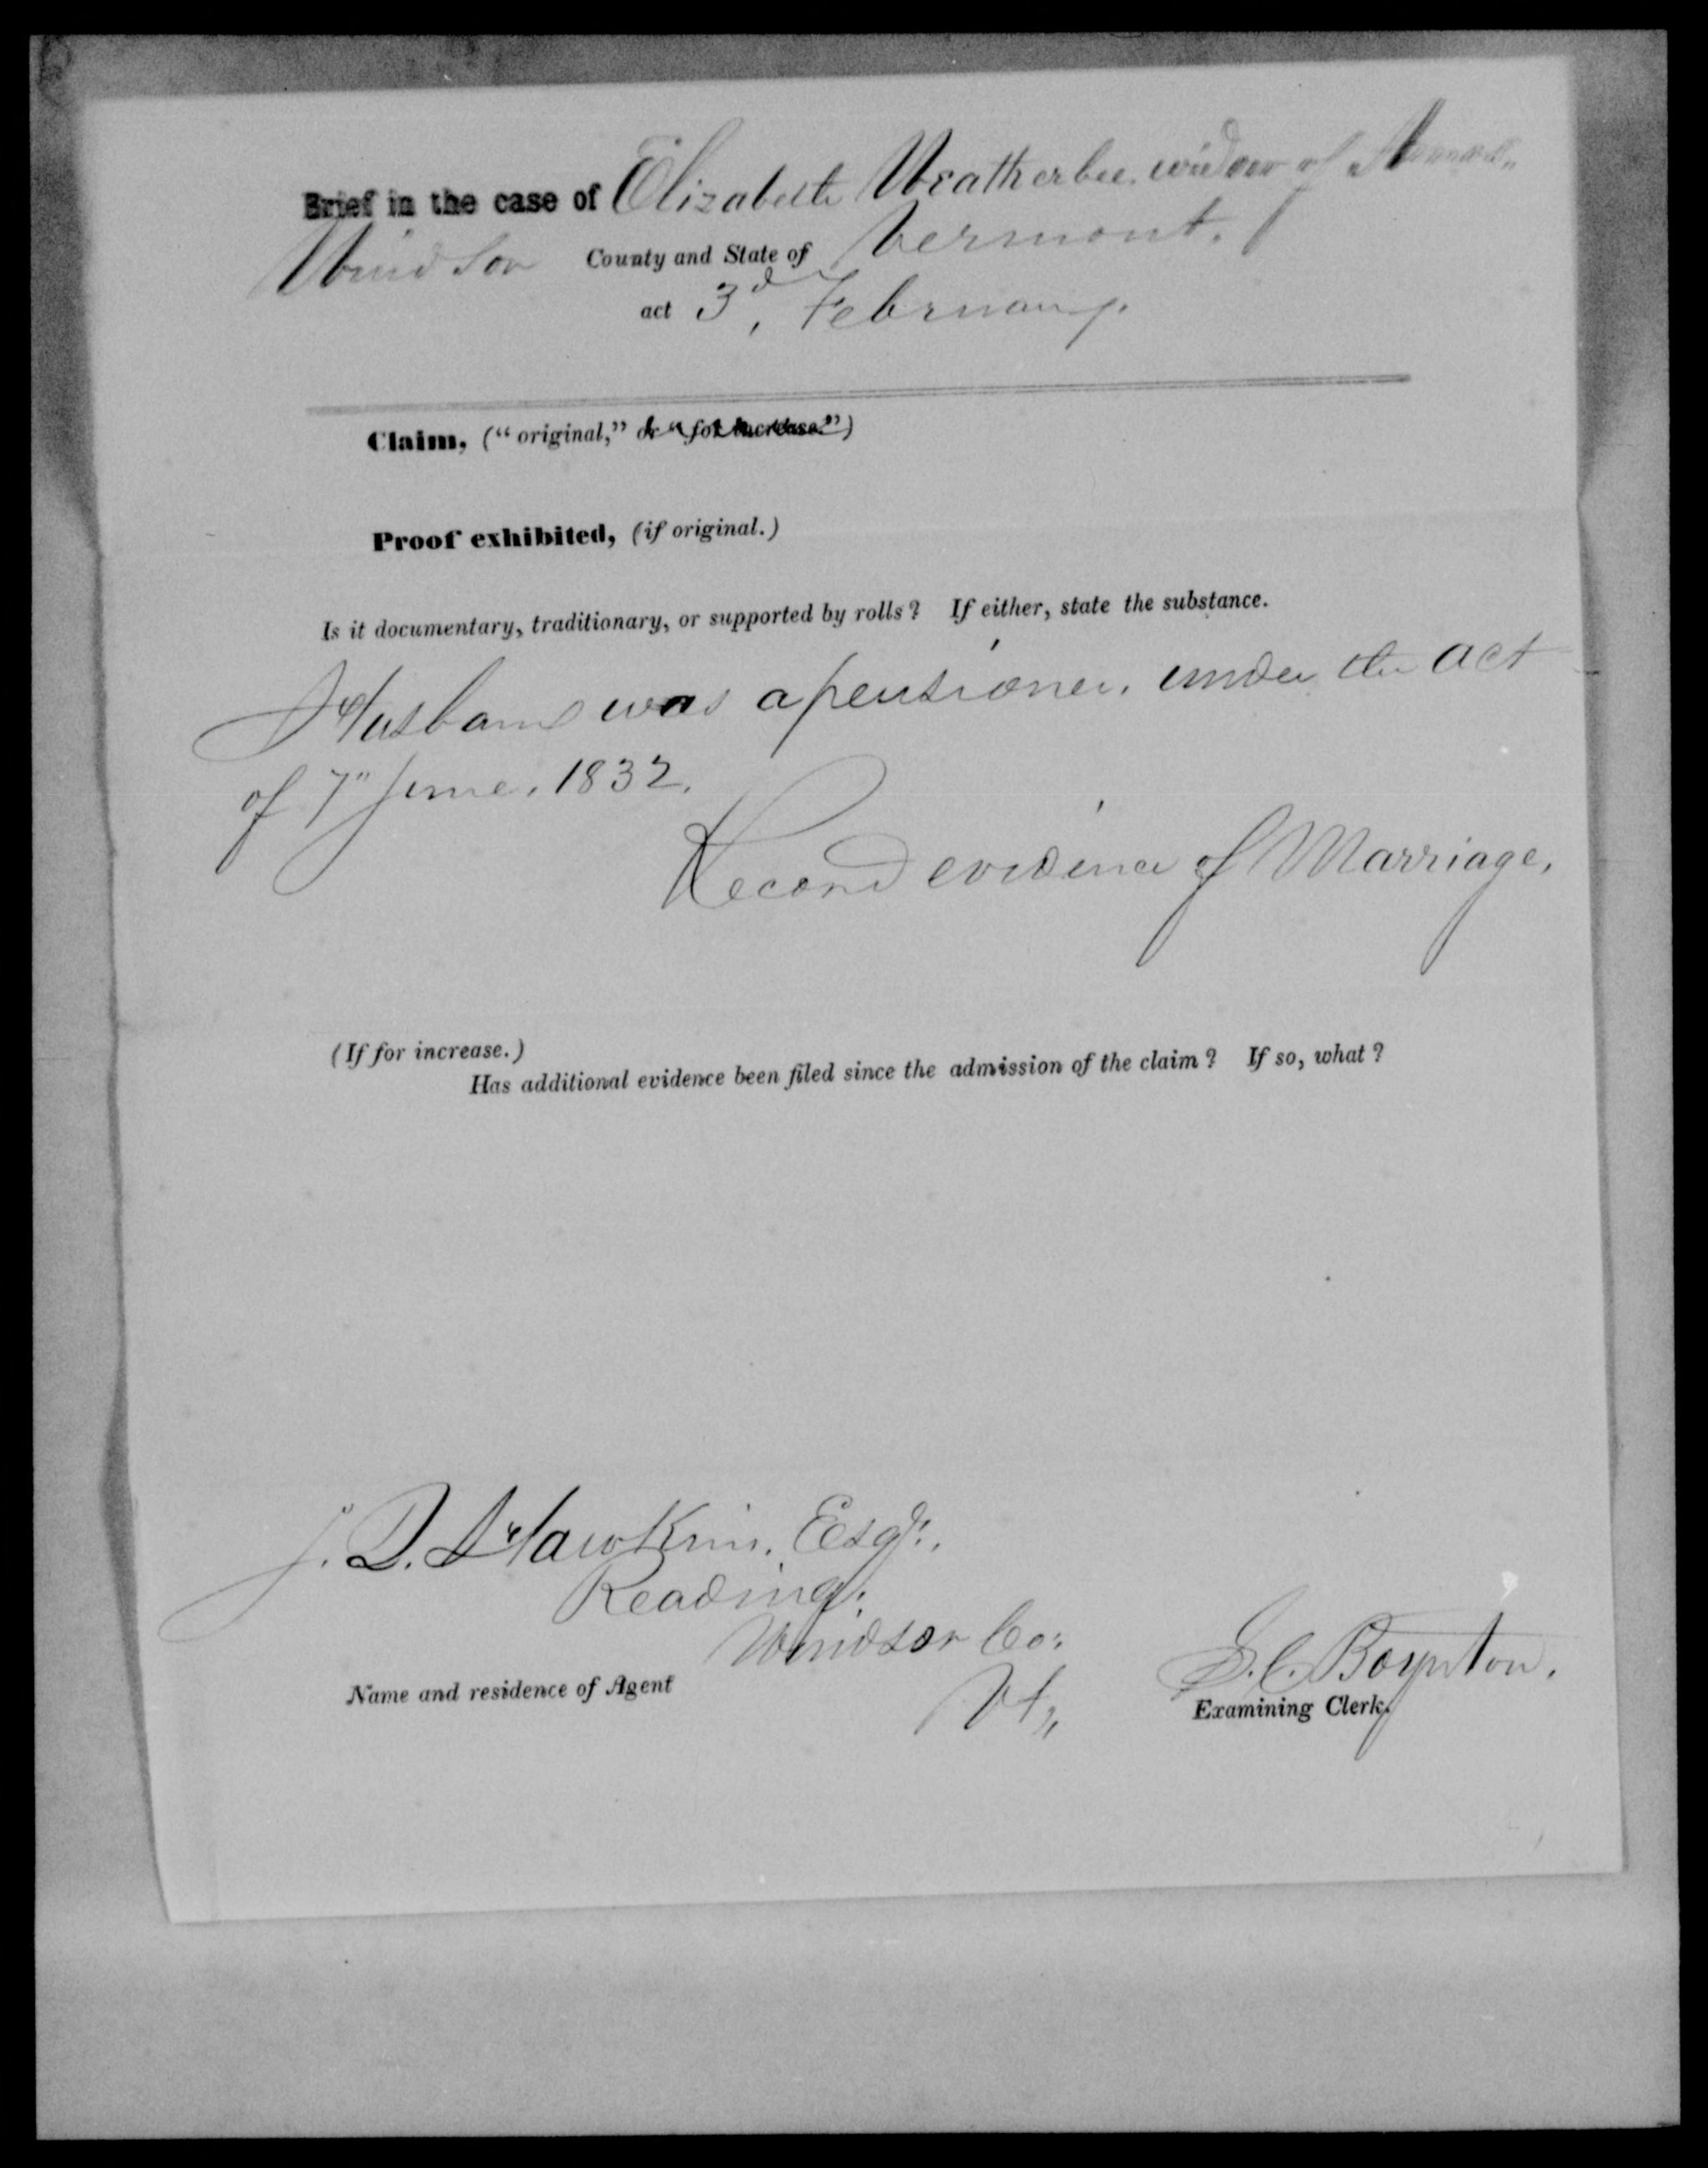Brief in the case of Elizabeth Weatherbee, widow of Amos, Windsor County and State of Vermont
act 3rd February

Claim, ("original")
Proof exhibited, (if original)
Is it documentary, traditionary, or supported by rolls? If either, state the substance.

Husband was a pensioner under the act of 7th June 1832.
Record evidence of Marriage

(If for increase.) Has additional evidence been filed since the admission of the Claim? If so, what?

J. Q. Hawkins, Esqr.
Reading
Windsor Co, Vt.
Name and residence of Agent.

S. C. Boynton,
Examining Clerk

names: Amos Weatherbee, Elizabeth Weatherbee, S C Boynton, J Q Hawkins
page: 50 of 66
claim: widow's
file: W. 2468, Amos Wetherbee, Mass.